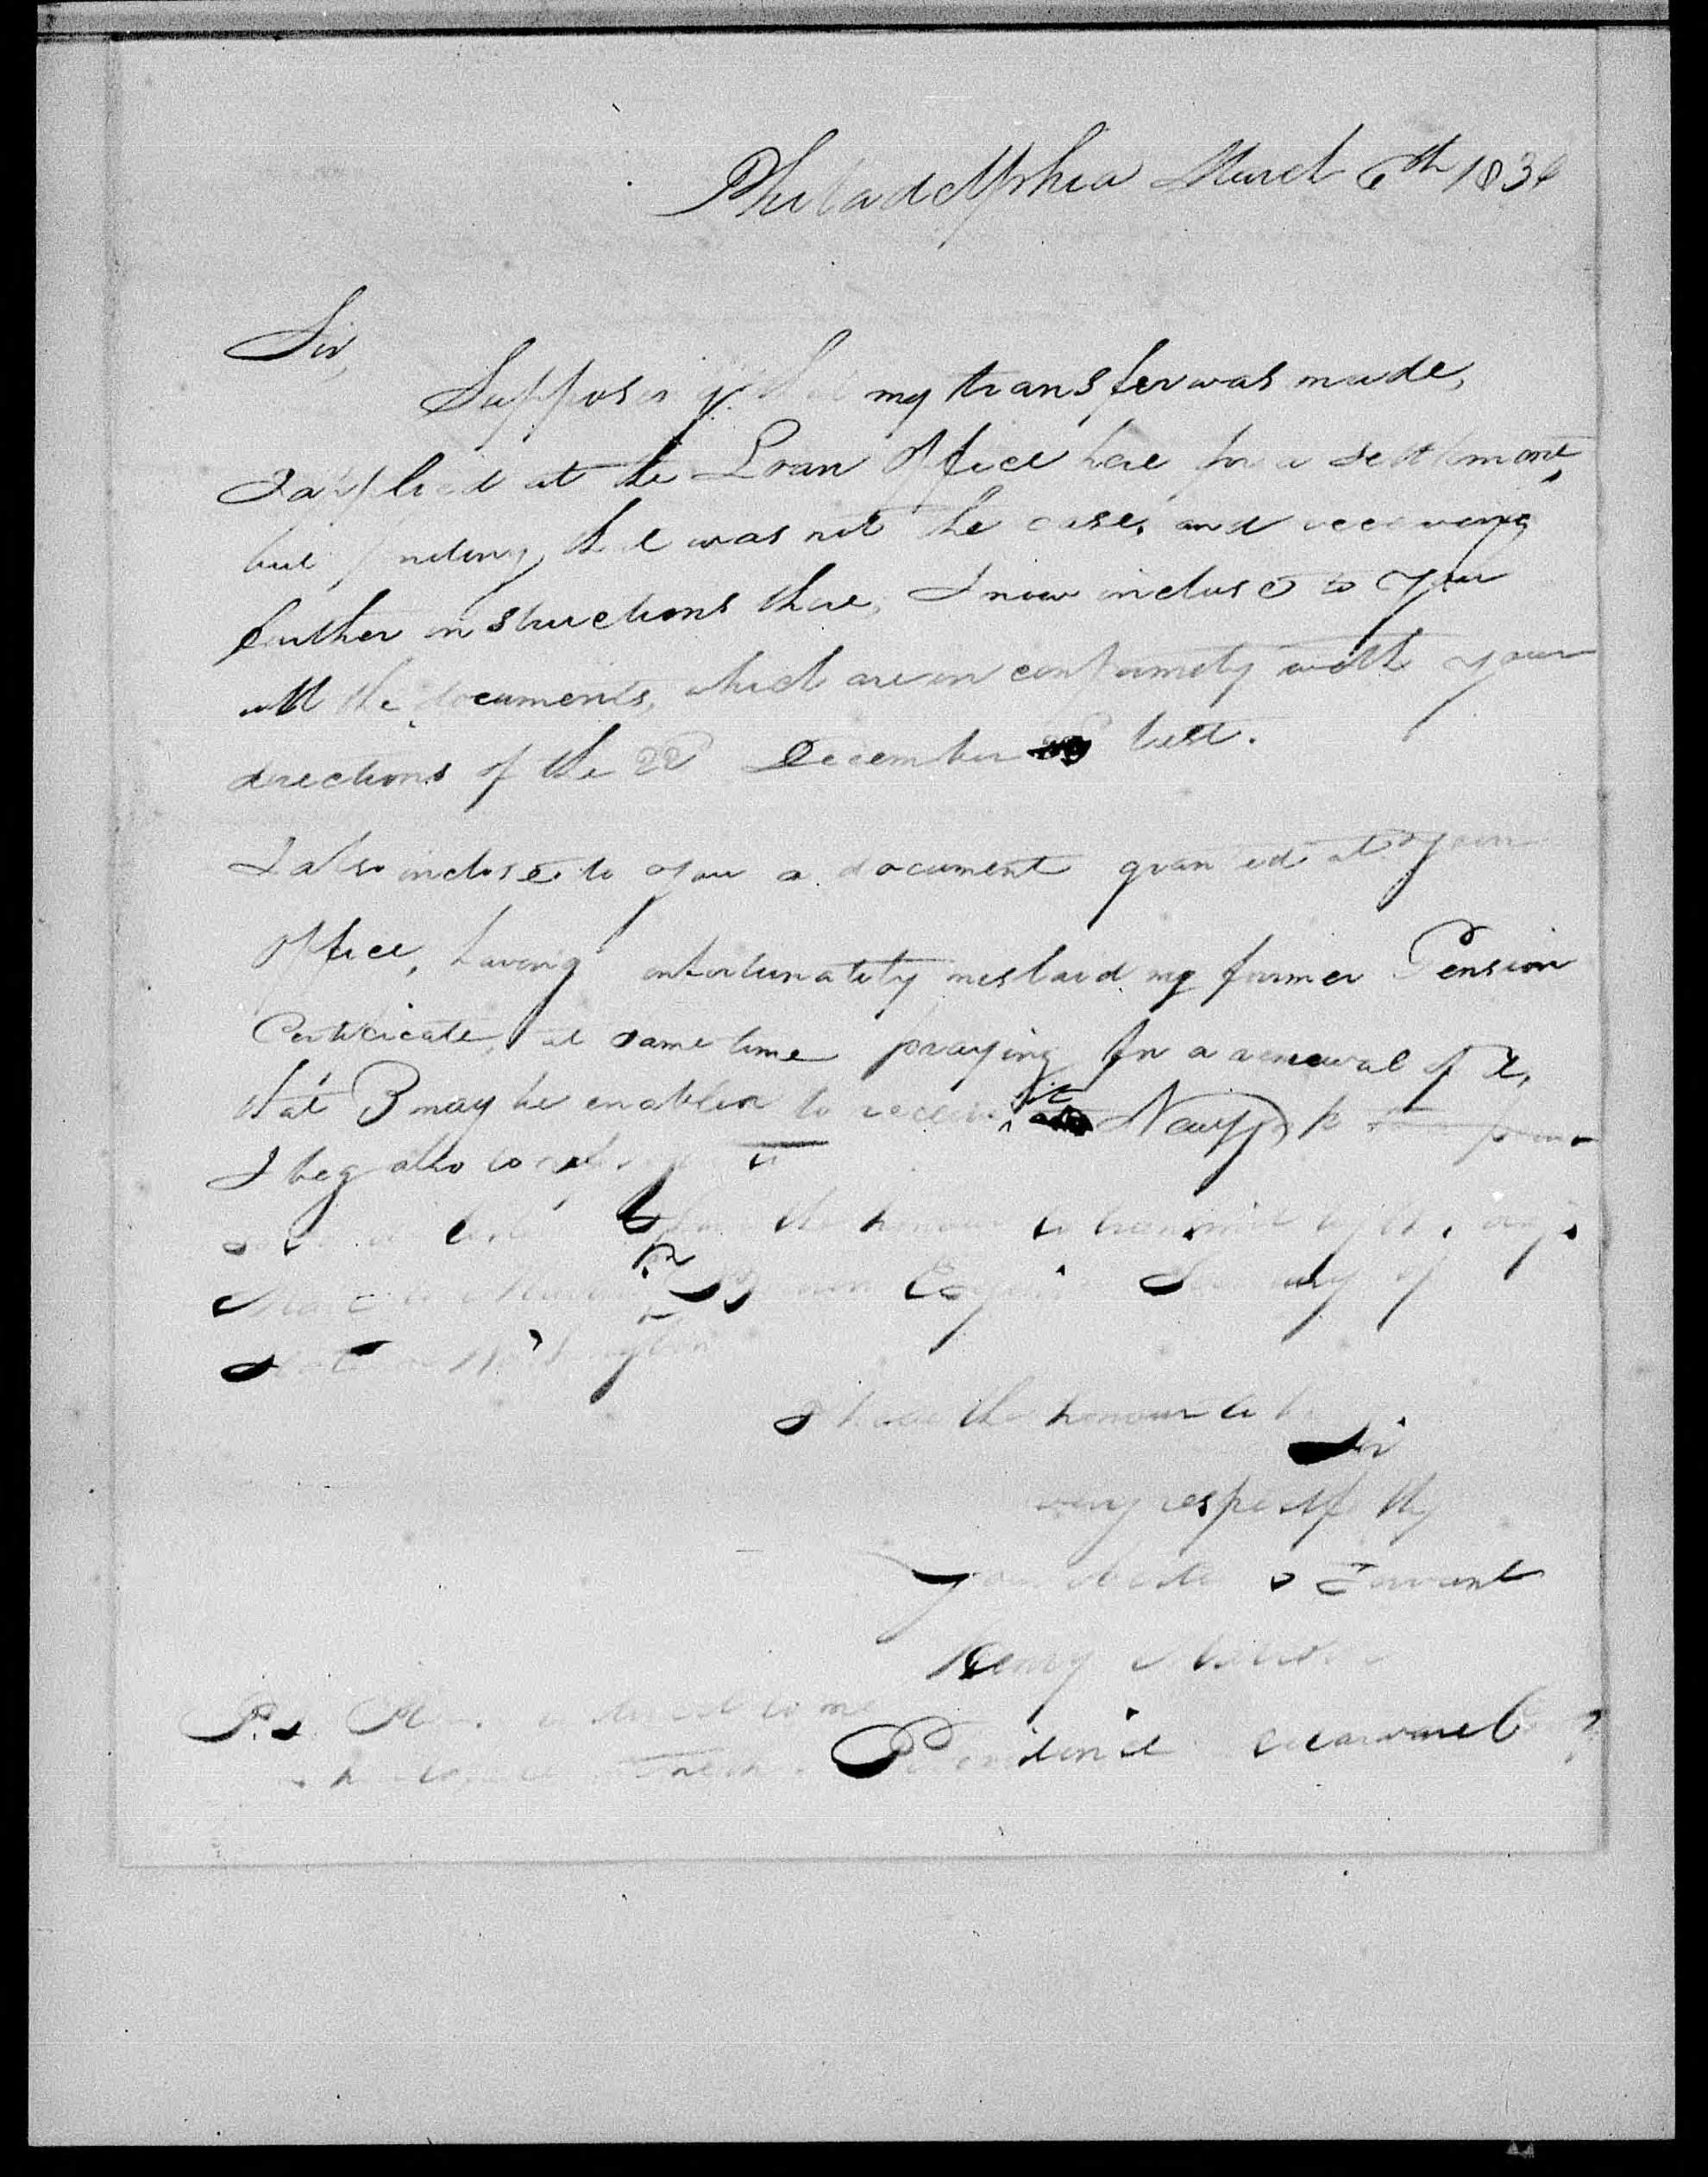Philadelphia March 6th 1834
Sir
Supposing that my transfer was made, I applied at the Loan office here for a settlement, but finding that was not the case, and receiving further instructions there, I now inclose [enclose] to you all the documents, which are in conformity with your directions of the 22 December let.
I also inclose [enclose]  to you a document granted at your office, having unfortunately mislaid my former pension Certificate, at same time praying for a renewal of it, I beg allow to [illegible] 
I have the honor to be Sir very respectfully [illegible] 
Henry Malcolm
P. S. [illegible]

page: 19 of 28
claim: survivor's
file: S. 5,048, for Henry Malcolm